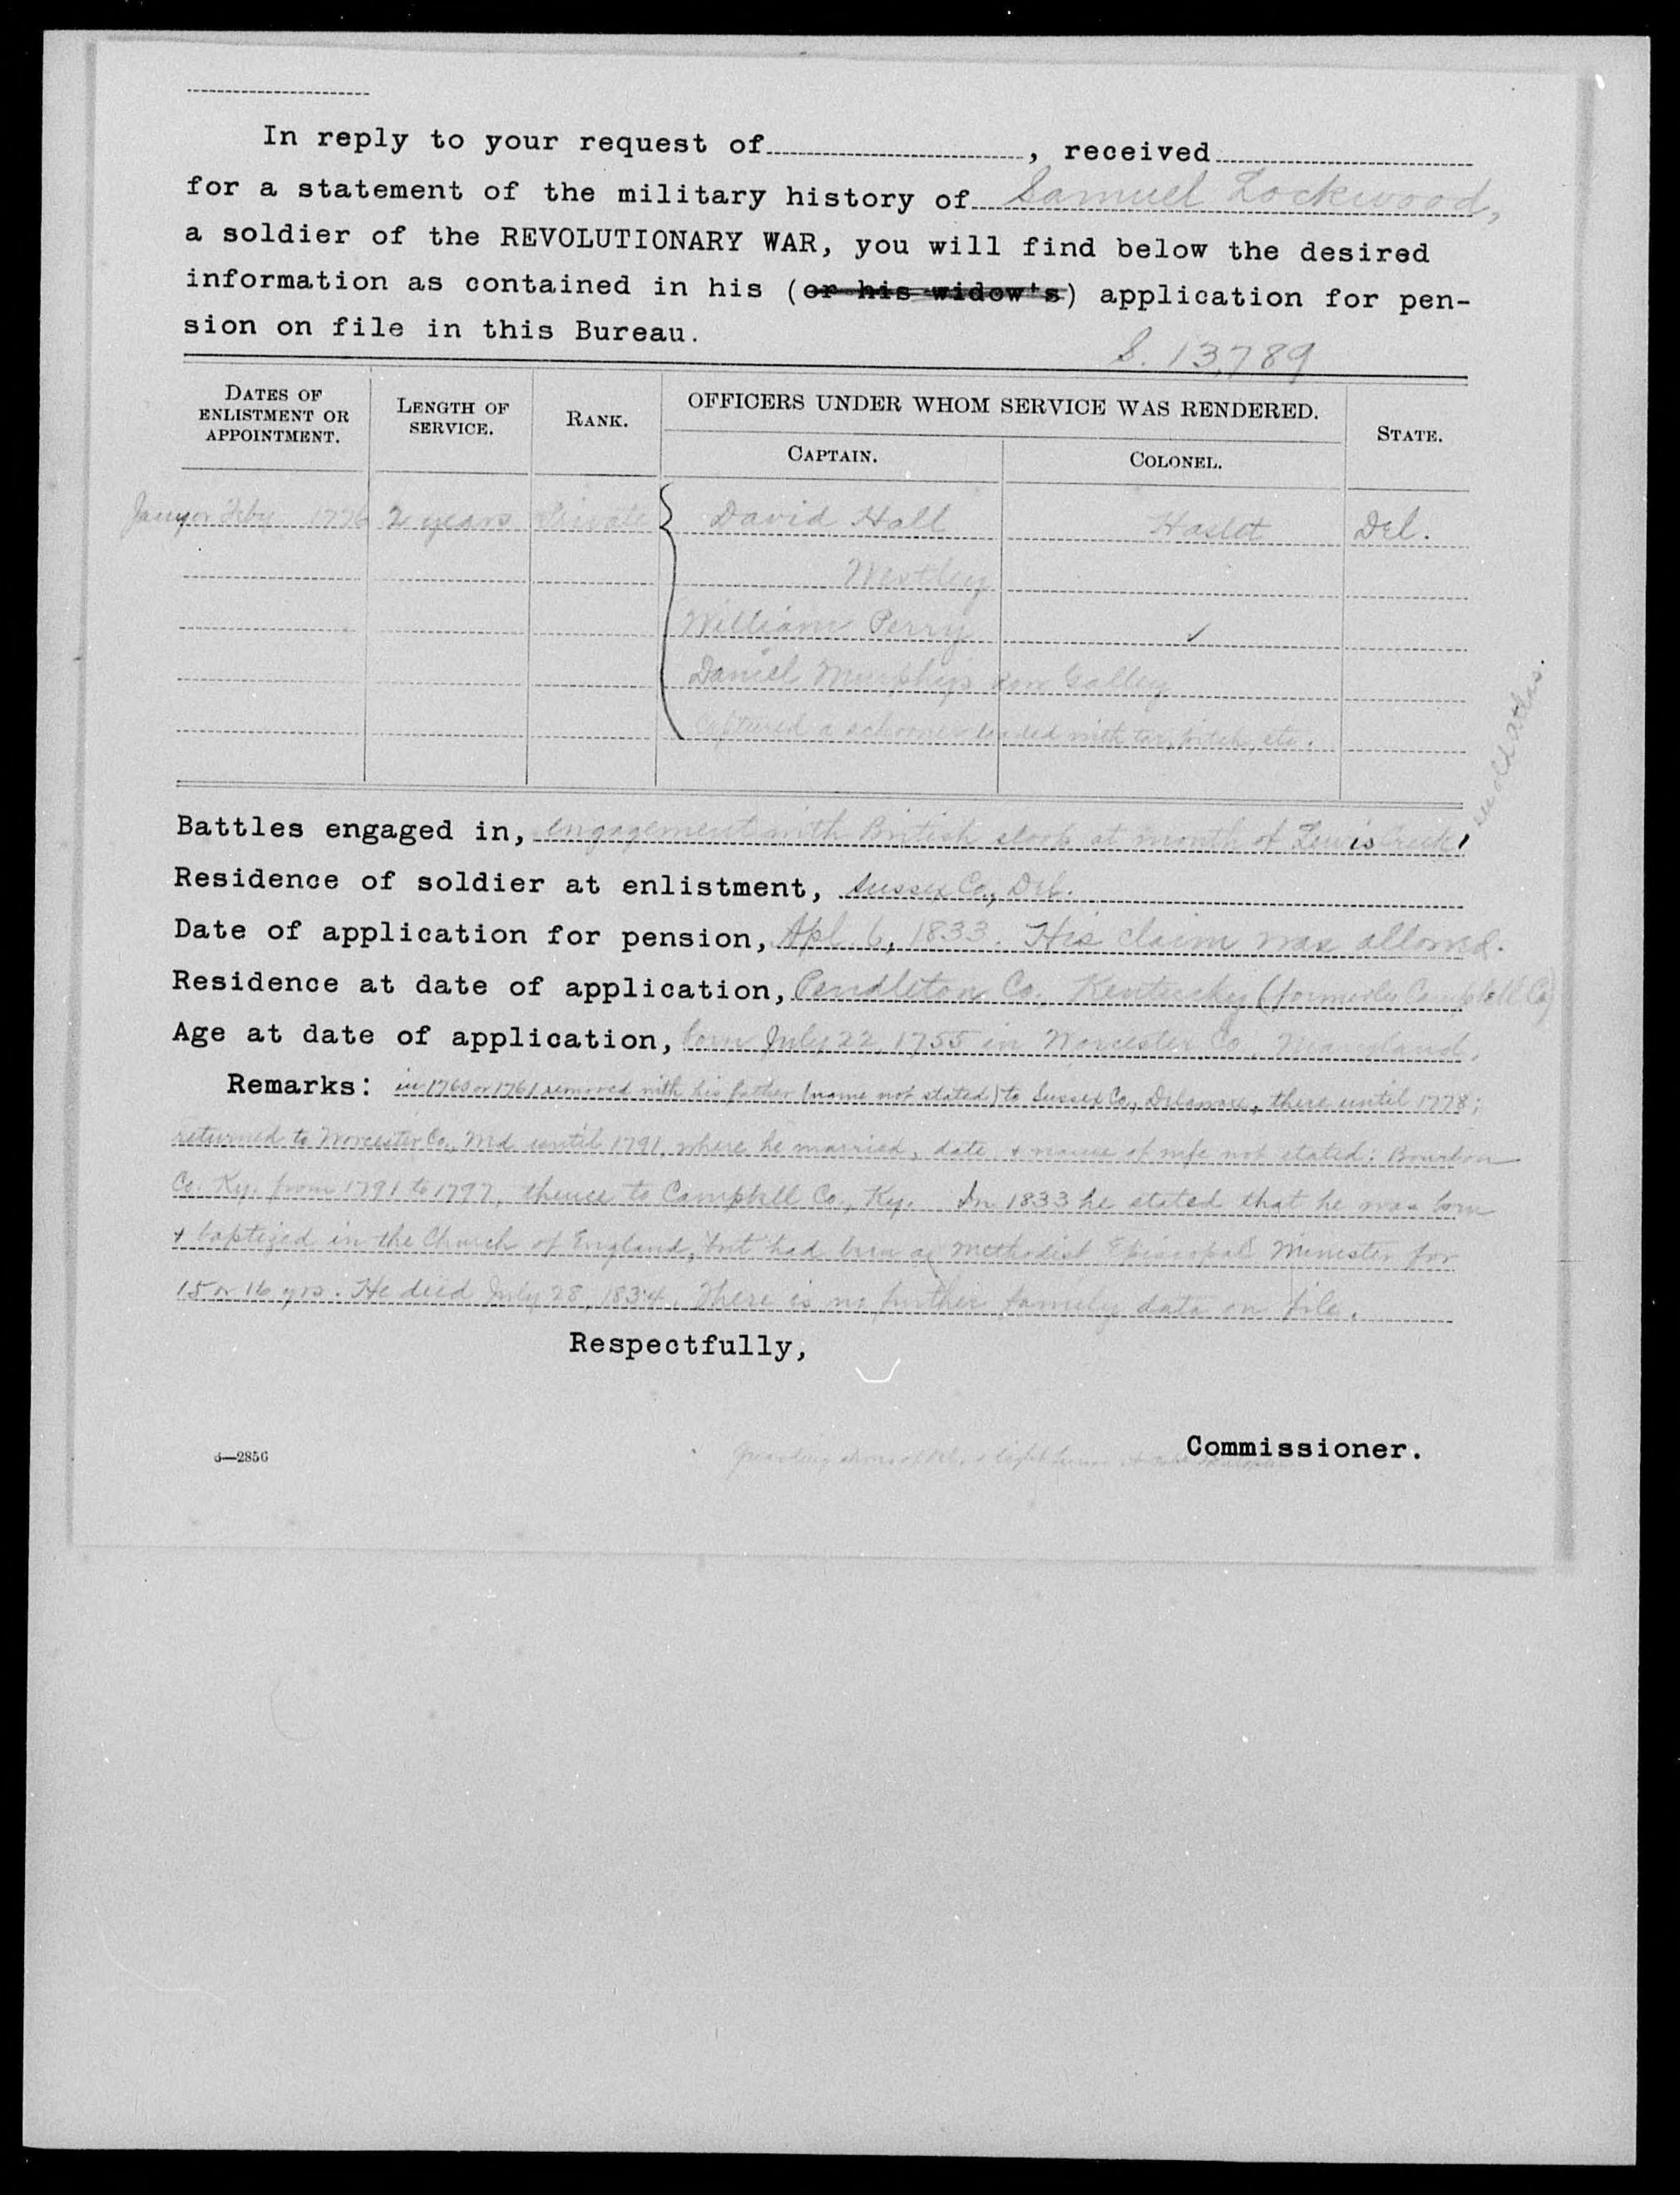In reply to your request of [blank], received [blank]
a statement of the military history of Samuel Lockwood
soldier of the REVOLUTIONARY WAR, you will find below the desired
formation as contained in his (or his wdow's)application for pension
on file in this Bureau.
S. 13789
DATES OF ENLISTMENT OR APPOINTMENT.  Jany or Feb 1776
LENGTH OF SERVICE. 2 years
RANK. Private
OFFICERS UNDER WHOM SERVICE WAS RENDERED. CAPTAIN.
David Hall, Westley, William Perry, Daniel Murphy’s [Row] Galley. Captured a schooner loaded with tar, pitch, etc.
COLONEL. Haslet
STATE. Del

Battles engaged in, engagement with British [stock] at mouth of Lewis Creek (see old atlas)
Residence of soldier at enlistment, Sussex Co., Del.
Date of application for pension, Apl 3, 1833. His claim was allowed
Residence at date of application, Pendleton Co. Kentucky (formerly Campbell co.)
Age at date of application, born July 22, 1755 in Worcester Co. Maryland,
Remarks: in 1760 or 1761 removed with his father (name not stated) to Sussex Co. Delaware, there until 1778; returned to Worcester Co Md until 1791, where he married, date & name of wife not stated; Bourbon Co. Ky from 1791 to 1797, thence to Campbell Co. Ky. In 1833 he stated that he was born & baptized in the Church of England, but had been a Methodist Episcopal Minister for 15 or 16 yrs. He died July 28, 1834. There is no further family data on file.
Respectfully,
Commissioner.
[handwritten sentence under word “Commissioner” - too faint to decipher] 
6 - 2856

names: Daniel Murphy; [BLANK] Weattey; David Hall; William Perry; [BLANK] Gattey; [BLANK] Hadet; Samuel Lockwood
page: 25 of 25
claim: survivor's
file: S. 13789, for Samuel Lockwood, Delaware